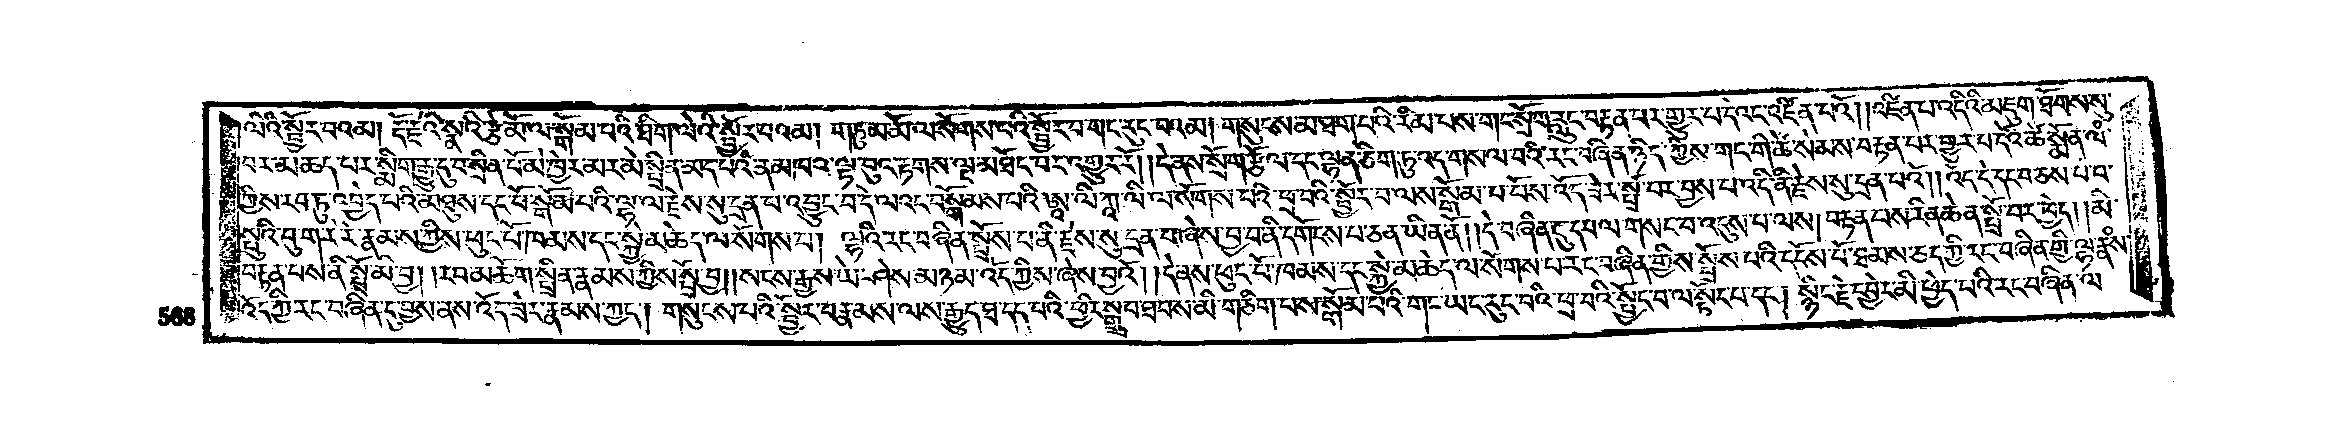ལིའི་སྦྱོར་བའམ། རྡོ་རྗེའི་སྣའི་རྩེ་མོ་ལ་སྒོམ་པའི་ཐིག་ལེའི་སྦྱོར་བའམ། གཏུམ་མོ་ལ་སོགས་པའི་སྦྱོར་བ་གང་རུང་བའམ། གསུངས་མ་ཐག་པའི་རིམ་པས་གང་སྲོག་རླུང་བརྟན་པར་གྱུར་པ་དེའང་འཛིན་པའོ། །འཛིན་པ་འདིའི་མཇུག་ཐོགས་སུ་
བར་མ་ཆད་པར་སྨིག་རྒྱུ་དུ་བ་སྲིན་པོ་མེ་ཁྱེར་མར་མེ་སྤྲིན་མེད་པའི་ནམ་མཁའ་ལྟ་བུའི་རྟགས་ལྔ་མཐོང་བར་འགྱུར་རོ། །དེ་ནས་སྲོག་རྩོལ་དང་ལྷན་ཅིག་ཏུ་འོད་གསལ་བའི་རང་བཞིན་ཉིད་ཀྱིས་གང་གི་ཚེ་སེམས་བརྟན་པར་གྱུར་པ་དེའི་ཚེ་སྨོན་ལམ་
ཀྱིས་རབ་ཏུ་འབྱེད་པའི་མཐུས་དང་པོ་སྒོམ་པའི་ལྷ་ལ་རྗེས་སུ་དྲན་པ་འབྱུང་བ་དེ་ལའང་བསྒོམས་པའི་ཨཱ་ལི་ཀཱ་ལི་ལ་སོགས་པའི་ཕྲ་བའི་སྦྱོར་བ་ལས་སྒོམ་པ་པོས་འོད་ཟེར་སྤྲོ་བར་བྱས་པ་འདི་ནི་རྗེས་སུ་དྲན་པའོ། །འོད་དེ་དང་བཅས་པ་བ་
སྤུའི་བུ་ག་རེ་རེ་རྣམས་ཀྱིས་ཕུང་པོ་ཁམས་དང་སྐྱེ་མཆེད་ལ་སོགས་པ། ལྷའི་རང་བཞིན་སྤྲོས་པ་ནི་རྗེས་སུ་དྲན་པ་ཞེས་བྱ་བ་ནི་དགོངས་པ་ཅན་ཡིན་ནོ། །དེ་བཞིན་དུ་དཔལ་གསང་བ་འདུས་པ་ལས། བརྟན་པས་རིན་ཆེན་སྤྲོ་བར་བྱེད། །མི་
བརྟན་པས་ནི་སྤྲོ་མི་བྱ། །རབ་མཆོག་སྤྲིན་རྣམས་ཀྱིས་སྤྲོ་བྱ། །སངས་རྒྱས་ཡེ་ཤེས་མཉམ་འོད་ཀྱིས་ཞེས་བྱའོ། །དེ་ནས་ཕུང་པོ་ཁམས་དང་སྐྱེ་མཆེད་ལ་སོགས་པ་རང་བཞིན་གྱིས་སྤྲོས་པའི་དངོས་པོ་ཐམས་ཅད་ཀྱི་རང་བཞིན་གྱི་ལྷ་རྣམས་
འོད་ཀྱི་རང་བཞིན་དུ་བྱས་ནས་འོད་ཟེར་རྣམས་ཀྱང་། གསུངས་པའི་སྦྱོར་བ་རྣམས་ལས་རྒྱུད་ཐ་དད་པའི་ཕྱིར་སྒྲུབ་ཐབས་མི་གཅིག་པས་སྒོམ་པའི་གང་ཡང་རུང་བའི་ཕྲ་བའི་སྦྱོར་བ་ལ་སྟོང་པ་དང་། སྙིང་རྗེ་དབྱེར་མི་ཕྱེད་པའི་རང་བཞིན་ལ་